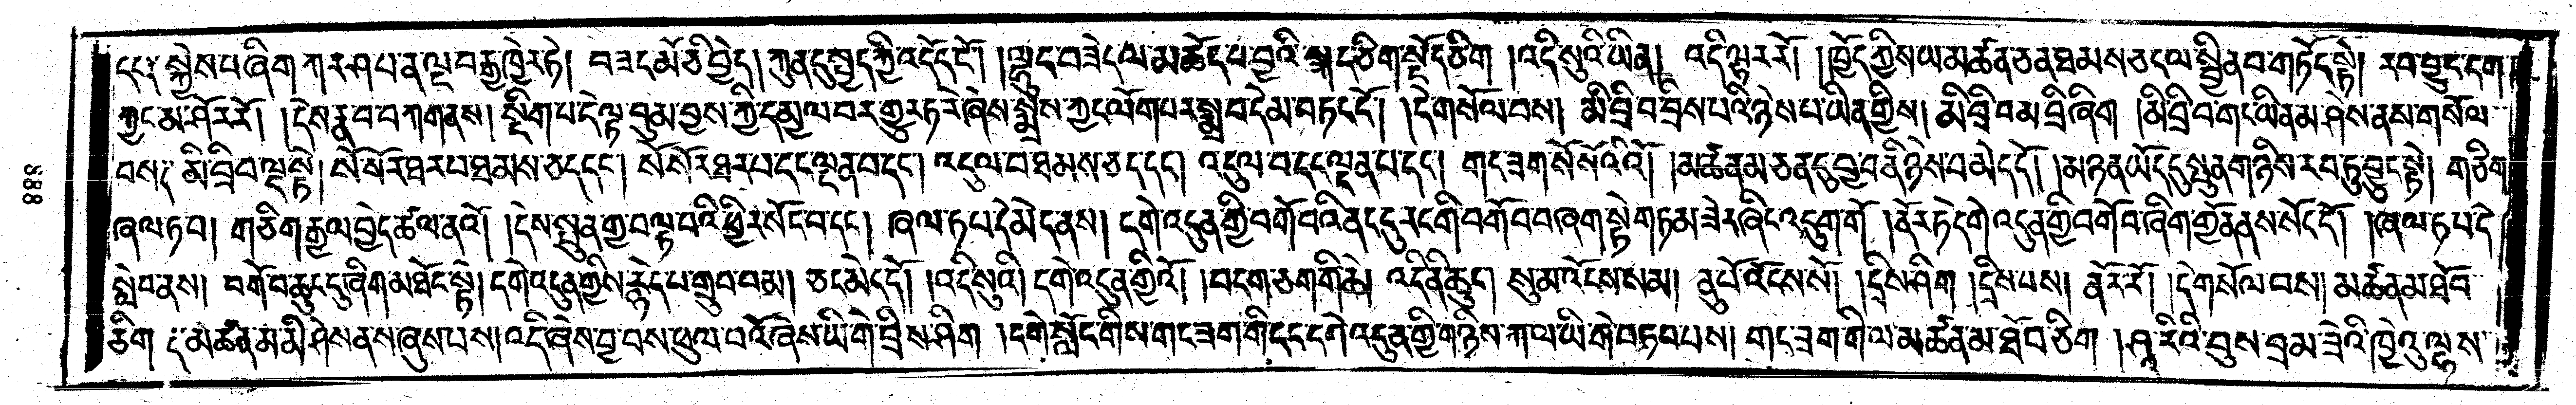དང༑ སྐྱེས་པ་ཞིག་ཀར་ཤ་པ་ན་ལྔ་བརྒྱ་ཁྱེར་ཏེ། བཟང་མོ་ཅི་བྱེད། ཀུན་དུ་སྤྱད་ཀྱི་འདོད་ངོ། །ལྷུང་བཟེད་ལ་མཆོད་པ་བྱའི་སྐད་ཅིག་སྡོད་ཅིག །འདི་སུའི་ཡིན། འདི་ལྟར་རོ། །ཁྱོད་ཀྱིས་ཡ་མཚན་ཅན་ཐམས་ཅད་ལ་སྦྱིན་བ་གཏོད་སྟེ། རབ་བྱུང་དག་
ཀྱང་མ་ཤོར་རོ། །དེས་རྣ་བ་བཀག་ནས། སྡིག་པ་དེ་ལྟ་བུམ་བྱས་ཀྱི་དམྱལ་བར་གྱུར་ཏ་རེ་ཞེས་སྨྲས་ཀྱང་ལོག་པར་སྨྲ་བ་དེ་མ་བཏང་ངོ། །དེ་གསོལ་བས། མི་བྲི་བ་བྲིས་པའི་ཉེས་པ་ཡིན་གྱིས། མི་བྲི་བམ་བྲི་ཞིག །མི་བྲི་བ་གང་ཡིན་མ་ཤེས་ནས་གསོལ་
བས༑ མི་བྲི་བ་ལྔ་སྟེ། སོ་སོར་ཐར་པ་ཐམས་ཅད་དང་། སོ་སོར་ཐར་པ་དང་ལྡན་བ་དང་། འདུལ་བ་ཐམས་ཅད་དང་། འདུལ་བ་དང་ལྡན་པ་དང་། གང་ཟག་སོ་སོའིའོ། །མཚན་མ་ཅན་དུ་བྱ་བ་ནི་ཉེས་པ་མེད་དོ། །མཉན་ཡོད་དུ་སྤུན་གཉིས་རབ་ཏུ་བྱུང་སྟེ། གཅིག་
ཞལ་ཏ་བ། གཅིག་རྒྱལ་བྱེད་ཚལ་ནའོ། །དེས་སྤུན་གྱ་བལྟ་བའི་ཕྱིར་སོང་བ་དང་། ཞལ་ཏ་བ་དེ་མེད་ནས། དགེ་འདུན་གྱི་བགོ་བའི་ནང་དུ་རང་གི་བགོབ་བཞག་སྟེ་གཏམ་ཟེར་ཞིང་འདུག་གོ །ནོར་ཏེ་དགེ་འདུན་གྱི་བགོ་བ་ཞིག་གྱོན་ནས་སོང་ངོ། །ཞལ་ཏ་བ་དེ་
སླེབ་ནས། བགོ་བ་ཆུང་དུ་ཞིག་མཐོང་སྟེ། དགེ་འདུན་གྱིས་རྙེད་པ་གྲུབ་བམ། ཅང་མེད་དོ། འདི་སུའི། དགེ་འདུན་གྱིའོ། །བདག་ཅག་གི་ཆེ། འདི་ནི་ཆུང་། སུ་མ་འོངས་སམ། ནུ་པོ་འོངས་སོ། །དྲིས་ཤིག །དྲིས་པས། ནོར་རོ། །དེ་གསོལ་བས། མཚན་མ་ཐོབ་
ཅིག ༑མཚན་མ་མི་ཤེས་ནས་ཞུས་པས། འདི་ཞེས་བྱ་བས་ཕུལ་བའོ་ཞེས་ཡི་གེ་བྲིས་ཤིག །དགེ་སློང་གིས་གང་ཟག་གི་དང་དགེ་འདུན་གྱི་གཉིས་ཀ་ལ་ཡི་གེ་བཏབ་པས། གང་ཟག་གི་ལ་མཚན་མ་ཐོབ་ཅིག །ཤཱ་རིའི་བུས་བྲམ་ཟེའི་ཁྱེའུ་ལྷས་